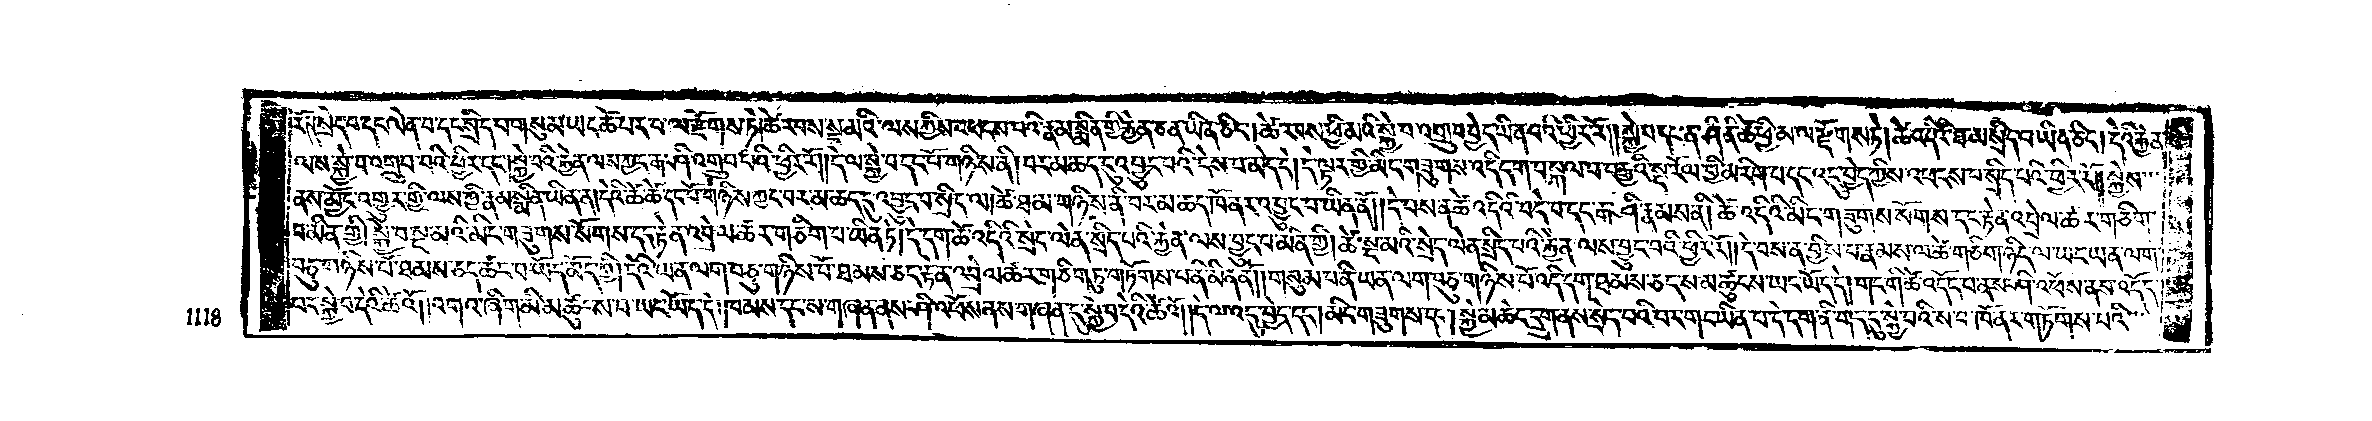རོ༑ ༑སྲེད་པ་དང་ལེན་པ་དང་སྲིད་པ་གསུམ་ཡང་ཆོ་བར་བ་ལ་རྫོགས་ཏེ། ཚེ་རབས་སྔ་མའི་ལས་ཀྱིས་འཕངས་པའི་རྣམ་སྨིན་གྱི་རྐྱེན་ཅན་ཡིན་ཅིང་། ཚེ་རབས་ཕྱི་མའི་སྐྱེ་བ་འགྲུབ་བྱེད་ཡིན་པའི་ཕྱིར་རོ། །སྐྱེ་བ་དང་ན་ཤི་ནི་ཚེ་ཕྱི་མ་ལ་རྫོགས་ཏེ། ཚེ་འདིའི་ཐ་མ་སྲིད་པ་ཡིན་ཅིང་། དེའི་རྐྱེན་
ལས་སྐྱེ་བ་འགྲུབ་པའི་ཕྱིར་དང་། སྐྱེ་བའི་རྐྱེན་ལས་ཀྱང་རྒ་ཤི་འགྲུབ་པའི་ཕྱིར་རོ། །དེ་ལ་སྐྱེ་བ་དང་པོ་གཉིས་ནི། བར་མ་ཆད་དུ་འབྱུང་བའི་ངེས་པ་མེད་དེ། དེ་ལྟར་གྱི་མིང་གཟུགས་འདི་དག་བསྐལ་པ་བརྒྱའི་སྔ་རོལ་གྱི་མ་རིག་པ་དང་འདུ་བྱེད་ཀྱིས་འཕངས་པ་སྲིད་པའི་ཕྱིར་རོ། །སྐྱེས་
ནས་མྱོང་འགྱུར་གྱི་ལས་ཀྱི་རྣམ་སྨིན་ཡིན་ན། དེའི་ཚེ་ཚེ་དང་པོ་གཉིས་ཀྱང་བར་མ་ཆད་དུ་འབྱུང་བ་སྲིད་ལ། ཚེ་ཐ་མ་གཉིས་ནི་བར་མ་ཆད་ཁོ་ནར་འབྱུང་བ་ཡིན་ནོ། །དེ་བས་ན་ཚེ་འདིའི་བདེ་བ་དང་རྒ་ཤི་རྣམས་ནི། ཚེ་འདིའི་མིང་གཟུགས་སོགས་དང་རྟེན་འབྲེལ་ཚར་གཅིག་
པ་མིན་གྱི། སྐྱེ་བ་སྔ་མའི་མིང་གཟུགས་སོགས་དང་རྟེན་འབྲེལ་ཚར་གཅིག་པ་ཡིན་ཏེ། དེ་དག་ཚེ་འདིའི་སྲིད་ལེན་སྲིད་པའི་རྐྱེན་ལས་བྱུང་བ་མིན་གྱི། ཚེ་སྔ་མའི་སྲིད་ལེན་སྲིད་པའི་རྐྱེན་ལས་བྱུང་བའི་ཕྱིར་རོ། །དེ་བས་ན་བྱིས་པ་རྣམས་ལ་ཚེ་གཅིག་ཉིད་ལ་ཡང་ཡན་ལག་
བཅུ་གཉིས་པོ་ཐམས་ཅད་ཚང་བ་ཡོད་མོད་ཀྱི། དེའི་ཡན་ལག་བཅུ་གཉིས་པོ་ཐམས་ཅད་རྟེན་འབྲེལ་ཚར་གཅིག་ཏུ་གཏོགས་པ་ནི་མིན་ནོ། །གསུམ་པ་ནི་ཡན་ལག་བཅུ་གཉིས་པོ་འདི་དག་ཐམས་ཅད་ས་མཚུངས་ཡང་ཡོད་དེ། གང་གི་ཚེ་འདོད་པ་ནས་ཤི་འཕོས་ནས་འདོད་
བར་སྐྱེ་བ་དེའི་ཚེའོ། །འགའ་ཞིག་མི་མཚུངས་པ་ཡང་ཡོད་དེ། ཁམས་དང་ས་གཞན་ནས་ཤི་འཕོས་ནས་གཞན་དུ་སྐྱེ་བ་དེའི་ཚེའོ། །དེ་ལ་འདུ་བྱེད་དང་། མིང་གཟུགས་དང་། སྐྱེ་མཆེད་དྲུག་ནས་སྲེད་པའི་བར་གང་ཡིན་པ་དེ་དག་ནི་གང་དུ་སྐྱེ་བའི་ས་བ་ཁོ་ནར་གཏོགས་པའི་